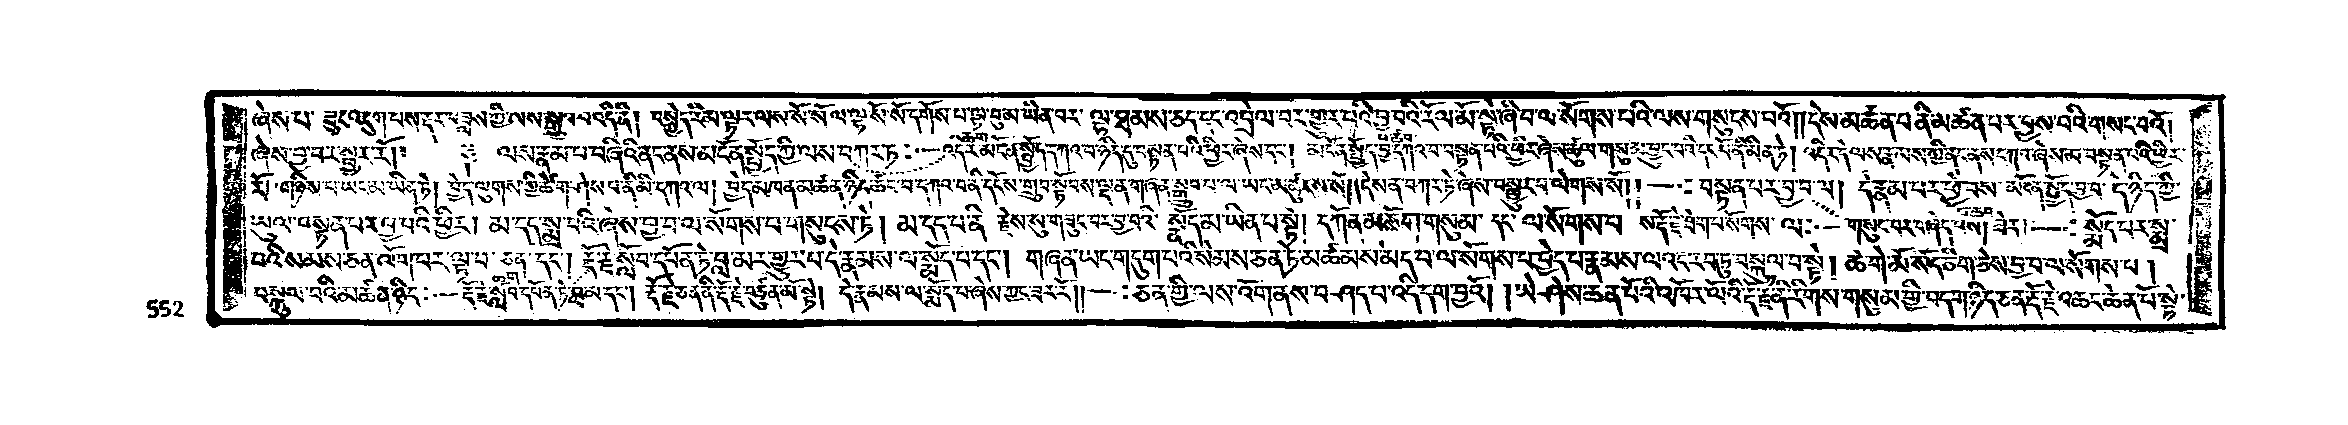ཞེས་པ་ཟུང་འཇུག་པས་རྡར་བཟླས་ཀྱི་ལས་སྒྲུབ་པ་འདི་ནི། བསྐྱེད་རིམ་ལྟར་ལས་སོ་སོ་ལ་ལྷ་སོ་སོ་དགོས་པ་ལྟ་བུ་མ་ཡིན་པར་ལྷ་ཐམས་ཅད་དང་འབྲེལ་བར་གྱུར་པའི་བྱ་བའི་རོལ་མོ་སྟེ་ཞི་བ་ལ་སོགས་པའི་ལས་གསུངས་པའོ། །དེས་མཚན་པ་ནི་མཚན་པར་བྱས་པའི་གསང་བའོ།
ཞེས་བྱ་བར་སྦྱར་རོ།། ༈ ལས་རྣམ་པ་བཞིའི་ནང་ནས་མངོན་སྤྱོད་ཀྱི་ལས་བཀར་ཏེཿ་ཆག་འདིར་མངོན་སྤྱོད་དཀའ་བ་ཉིད་དུ་བསྟན་པའི་ཕྱིར་ཞེས་དང་། མངོན་སྤྱོད་པ་ཚབ་བྱ་དཀའ་བ་བསྟན་པའི་ཕྱིར་ཞེས་ཚུལ་གསུམ་བྱུང་བའི་དང་པོ་ནི་མིན་ཏེ། འདིར་དེ་ལས་རྣམས་ཀྱི་ནང་ནས་དཀའ་ཞེས་མ་བསྟན་པའི་ཕྱིར་
རོ། །གཉིས་པ་ཡང་མ་ཡིན་ཏེ། བྱེད་ལུགས་ཀྱི་ཆོ་ག་ཤེས་པ་ནི་མི་དཀའ་ལ། བྱེད་མཁན་མཚན་ཉིད་ཚང་བ་དཀའ་བ་ནི་དངོས་གྲུབ་སྟོབས་ལྡན་གཞན་སྒྲུབ་པ་ལ་ཡང་མཚུངས་སོ། །དེས་ན་བཀར་ཏེ་ཞེས་བསྒྱུར་བ་ལེགས་སོ།། .Hབསྟན་པར་བྱ་བ་ལ། དེ་རྣམ་པར་ཕྱེ་བས་མངོན་སྤྱོད་བྱ་བ་དེ་ཉིད་ཀྱི་
ཡུལ་བསྟན་པར་བྱ་བའི་ཕྱིར། མ་དད་སྨྲ་བའི་ཞེས་བྱ་བ་ལ་སོགས་པ་གསུངས་ཏེ། མ་དད་པ་ནི་རྗེས་སུ་གཟུང་བར་བྱ་བའི་སྣོད་མ་ཡིན་པ་སྟེ། དཀོན་མཆོག་གསུམ་དང་ལ་སོགས་པས་རྡོ་རྗེ་ཐེག་པ་སོགས་ལཿ་གསུང་བར་བཞེད་པས། པ་ཚབ་ཟེར།  .Hསྨོད་པར་སྨྲ་
བའོ་སེམས་ཅན་ལོག་པར་ལྟ་བ་ཅན་དང་། རྡོ་རྗེ་སློབ་དཔོན་ཏེ་བླ་མར་གྱུར་པ་དེ་རྣམས་ལ་སྨོད་པ་དང་། གཞན་ཡང་གདུག་པའི་སེམས་ཅན་ཏེ་མཚམས་མེད་པ་ལ་སོགས་པ་བྱེད་པ་རྣམས་ལའང་རབ་ཏུ་བསྐུལ་བ་སྟེ། ཆེ་གེ་མོ་སོད་ཅིག་ཅེས་བྱ་བ་ལ་སོགས་པ།
བསྐུལ་བའི་མཚན་ཉིདཿ་རྡོ་རྗེ་ཆག་སློབ་དཔོན་ཏེ་བླ་མ་དང་། རྡོ་རྗེ་ཅན་ནི་རྡོ་རྗེ་བཙུན་མོ་སྟེ། དེ་རྣམས་ལ་སྨོད་པ་ཞེས་ཀྱང་ཟེར་རོ།།  .Hཅན་གྱི་ལས་འོག་ནས་བཤད་པ་འདི་དག་བྱའོ། །ཡེ་ཤེས་ཆེན་པོའི་འཁོར་ལོའི་རྡོ་རྗེ་ནི་རིགས་གསུམ་གྱི་བདག་ཉིད་ཅན་རྡོ་རྗེ་འཆང་ཆེན་པོ་སྟེ་